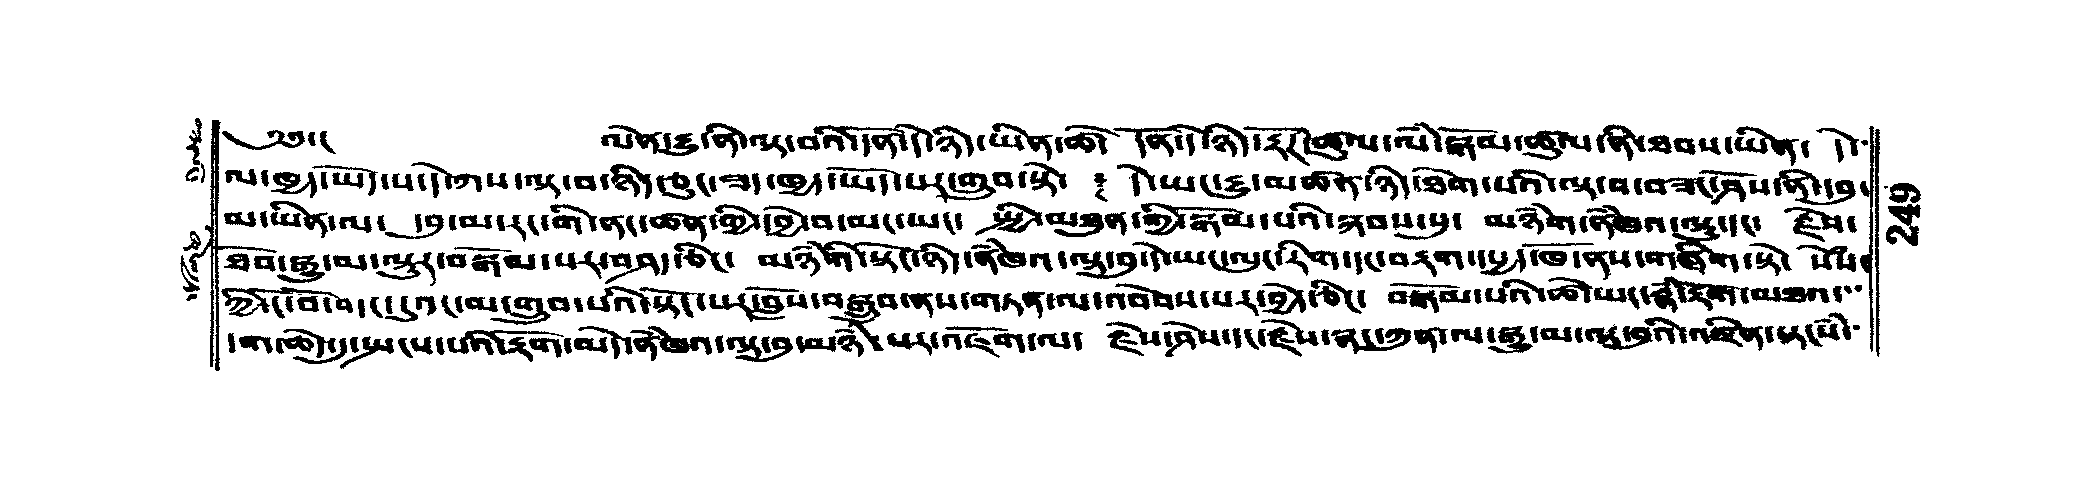ལེན་རྒྱུ་ནི་ལྟ་བའི་དོན་དེ་ཉིད་ཡིན་ཚེ། དོན་དེ་ཉིད་རྟོགས་ཚུལ་ལམ་སྒོམ་ཚུལ་ནི་ཐབས་ཡིན། དེ་
ལ་ཁྱད་ཡོད་པ་དེ་ཀས་ལྟ་བ་ཉིད་ཅུང་ཟད་ཁྱད་ཡོད་པར་གྲུབ་སྟེ། དེ་ཡང་རྒྱུ་མཚན་ཉིད་ཐེག་པའི་ལྟ་བ་བཟང་ཤོས་ནི་དབུ་
མ་ཡིན་ལ། དབུ་མ་རང་གི་ནང་ཚན་གྱི་དབྱེ་བ་མང་ཡང་། སྤྱི་མཐུན་གྱི་སྒོམ་པའི་སྐབས་སུ། མཉམ་བཞག་ནམ་མཁའ་ལྟ་བུ་དང་། རྗེས་
ཐོབ་སྒྱུ་མ་ལྟ་བུར་བསྒོམ་པར་བཤད་ཅིང་། མཉམ་བཞག་གི་སྟོང་ཉིད་ནམ་མཁའ་ལྟ་བུ་དེ་ཡང་ལུང་རིགས་དང་བརྟག་དཔྱད་ཁོ་ནས་གཞིག་སྟེ། སེམས་
ཀྱི་ངོ་བོ་གང་དུའང་མ་གྲུབ་པའི་སྟོང་པར་བློས་བསྒྲུབ་ནས་གཏན་ལ་འབེབས་པར་བྱེད་ཅིང་། བསྒོམ་པའི་ཚེ་ཡང་རྣམ་རྟོག་མཐའ་
དག་ཆེད་དུ་སྤངས་པའི་རྟོག་མེད་ནམ་མཁའ་ལྟ་བུ་མཉམ་པར་འཇོག་ལ། རྗེས་ཤེས་དང་རྗེས་སྣང་ཀུན་ལ་སྒྱུ་མ་ལྟ་བུའི་འཛིན་སྟངས་སམ་